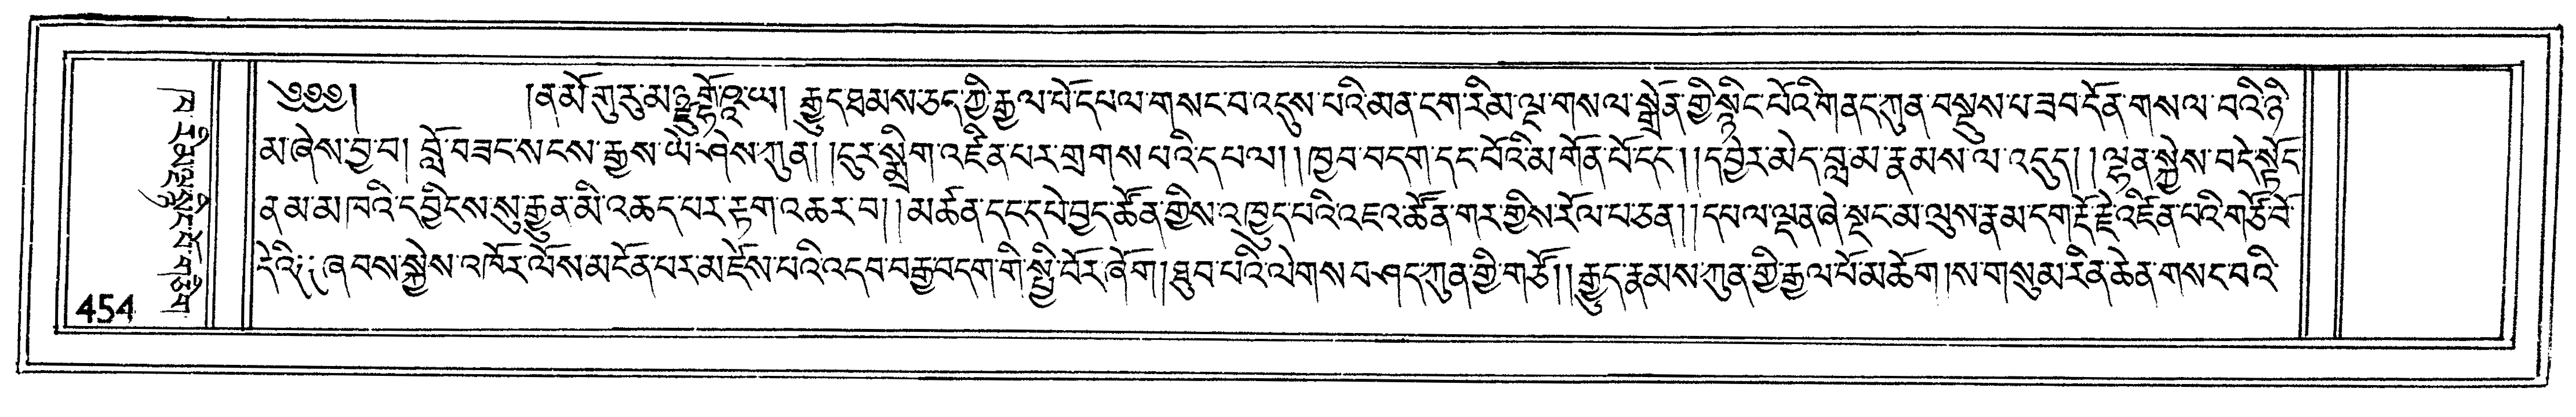༄༅༅། །ན་མོ་གུ་རུ་མཉྫུ་གྷོ་ཥཱ་ཡ། རྒྱུད་ཐམས་ཅད་ཀྱི་རྒྱལ་པོ་དཔལ་གསང་བ་འདུས་པའི་མན་ངག་རིམ་ལྔ་གསལ་སྒྲོན་གྱི་སྙིང་པོའི་གནད་ཀུན་བསྡུས་པ་ཟབ་དོན་གསལ་བའི་ཉི་
མ་ཞེས་བྱ་བ། བློ་བཟང་སངས་རྒྱས་ཡེ་ཤེས་ཀུན། །ངུར་སྨྲིག་འཛིན་པར་གྲགས་པའི་དཔལ། །ཁྱབ་བདག་དང་པོའི་མགོན་པོ་དང་། །དབྱེར་མེད་བླ་མ་རྣམས་ལ་འདུད། །ལྷན་སྐྱེས་བདེ་སྟོང་
ནམ་མཁའི་དབྱིངས་སུ་རྒྱུན་མི་འཆད་པར་རྟག་འཆར་བ། །མཚན་དང་དཔེ་བྱད་ཚོན་གྱིས་འཁྱུད་པའི་འཇའ་ཚོན་གར་གྱིས་རོལ་པ་ཅན། །དཔལ་ལྡན་ཞེ་སྡང་མ་ལུས་རྣམ་དག་རྡོ་རྗེ་འཛིན་པའི་གཙོ་བོ་
དེའི༑ ༑ཞབས་སྐྱེས་འཁོར་ལོས་མངོན་པར་མཛེས་པའི་འདབ་བརྒྱ་བདག་གི་སྤྱི་བོར་ཞོག །ཐུབ་པའི་ལེགས་བཤད་ཀུན་གྱི་གཙོ། །རྒྱུད་རྣམས་ཀུན་གྱི་རྒྱལ་པོ་མཆོག །ས་གསུམ་རིན་ཆེན་གསང་བའི་